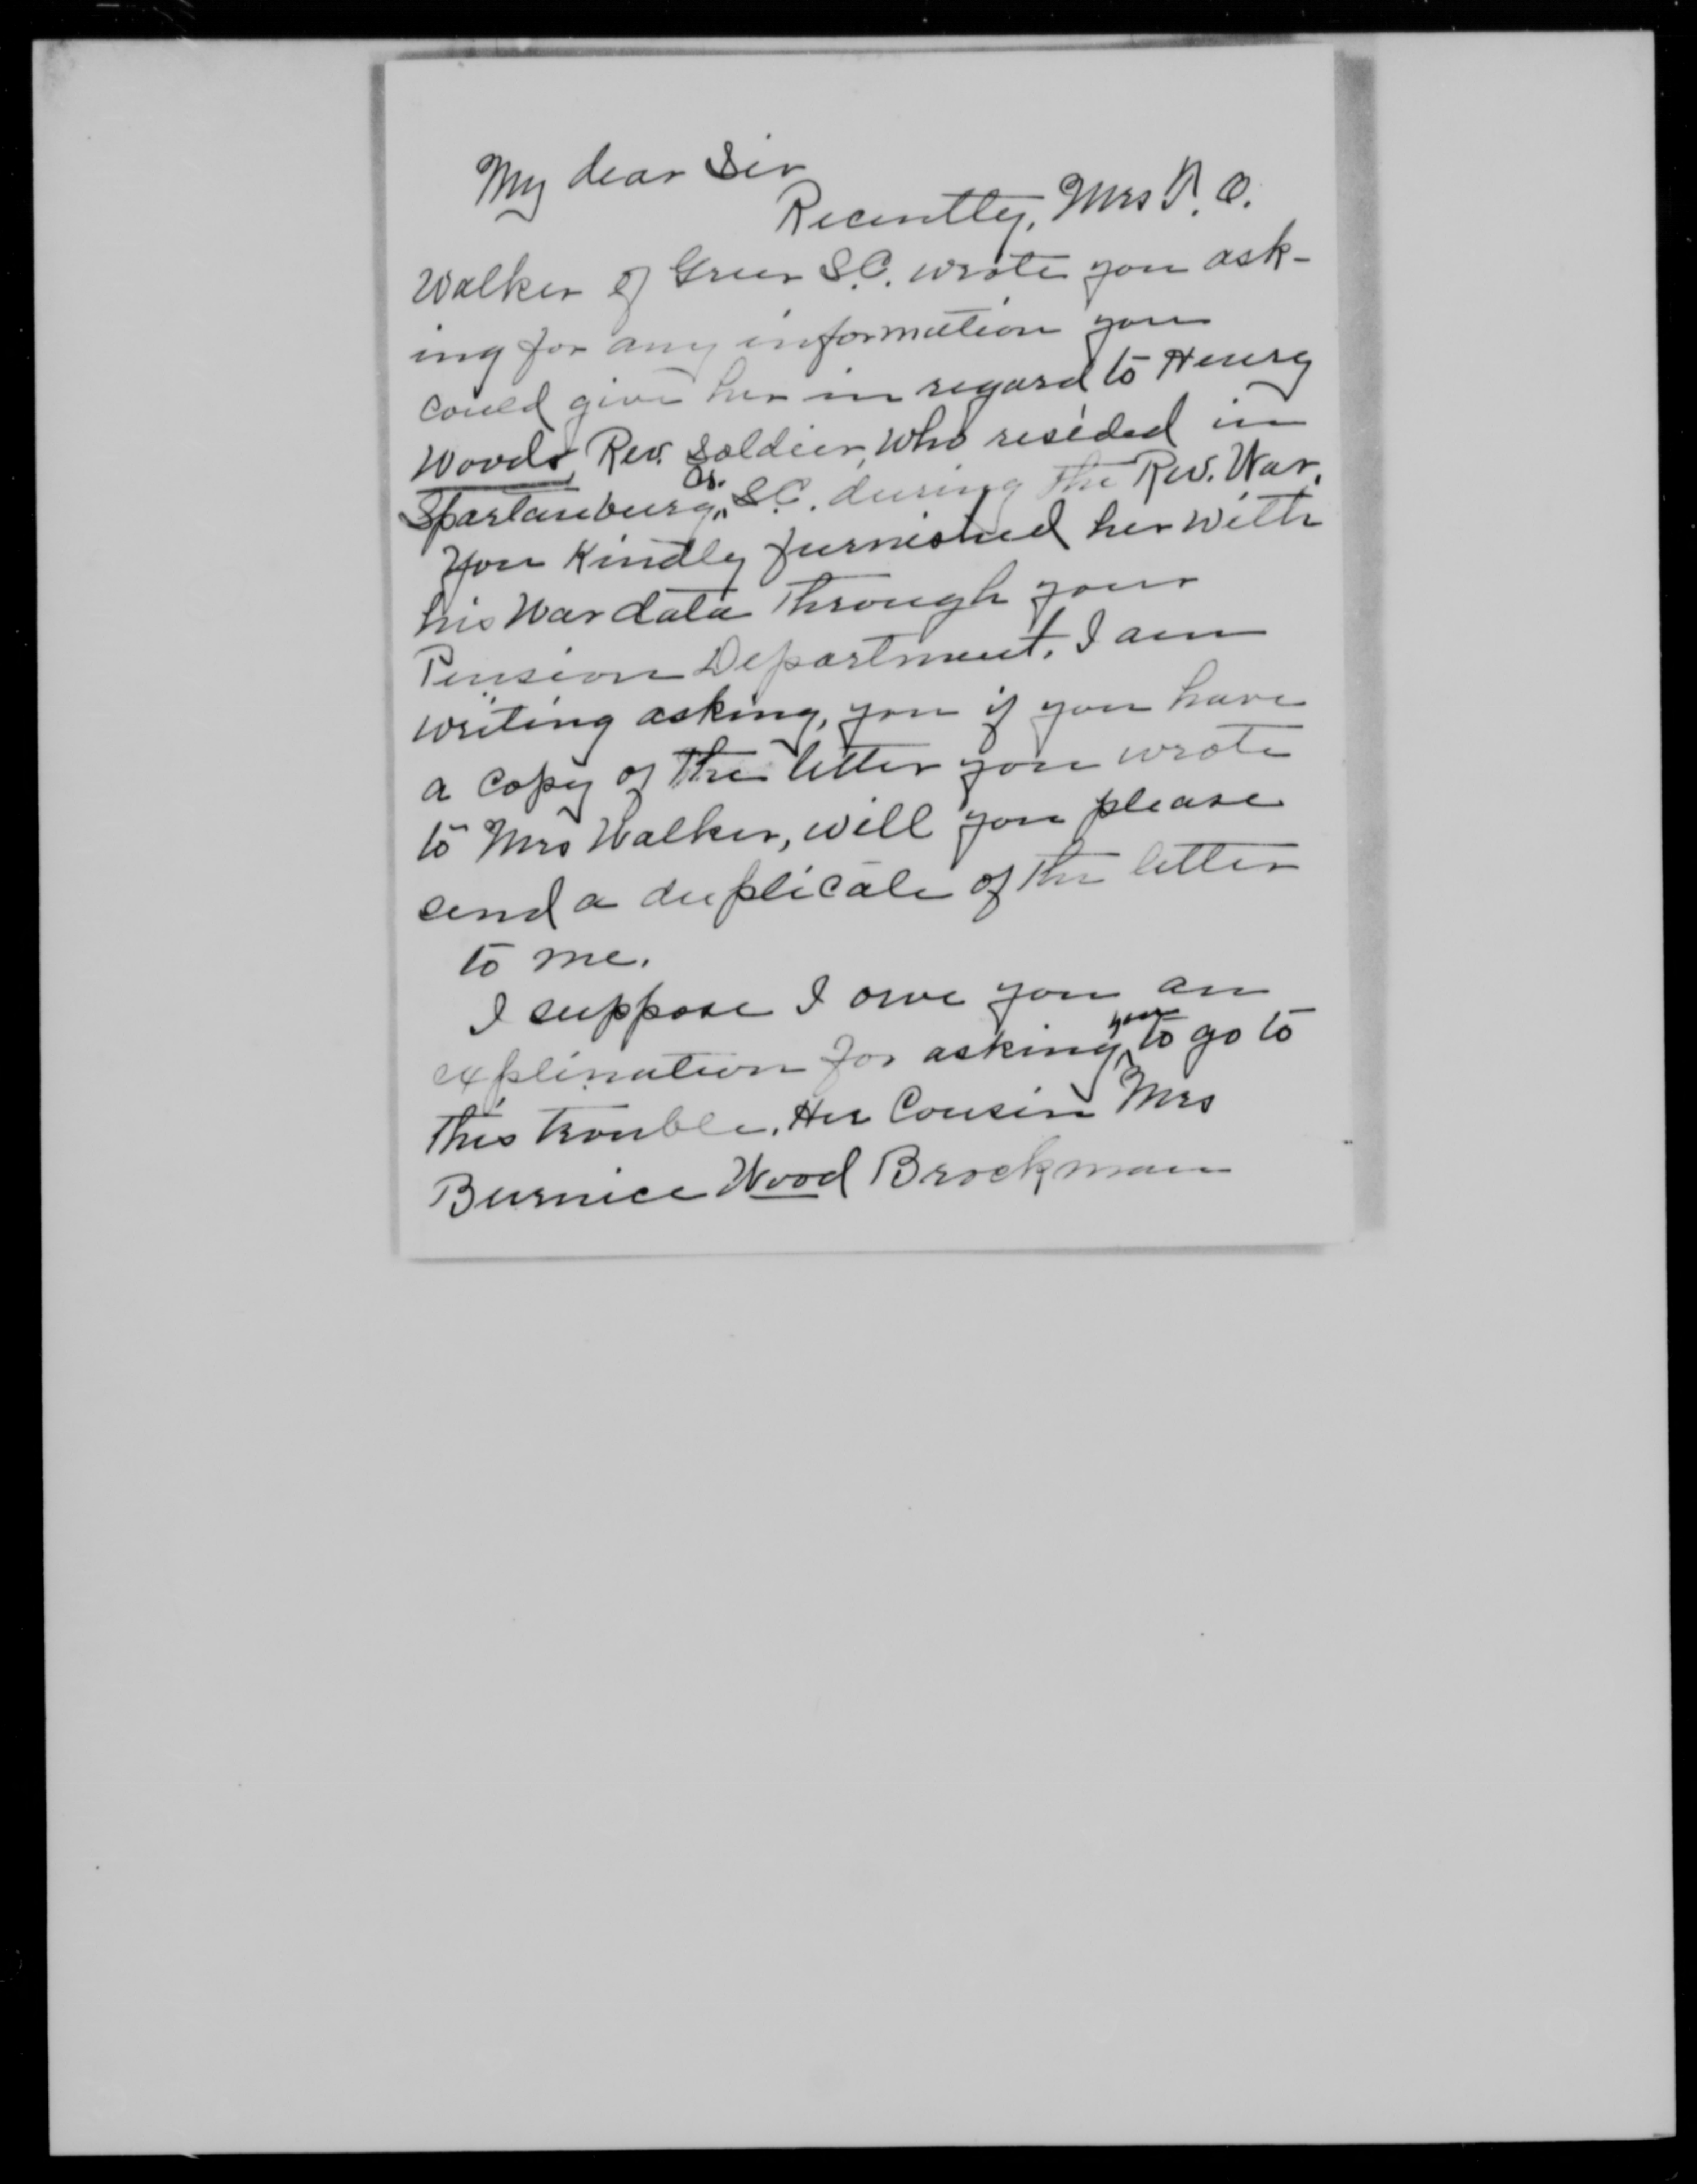My dear sir  Recently Mrs T.O. Walker of Greer S.C. wrote you asking for any information you could give her in regard to Henry Wood Rev soldier who resided in Spartanburg, S.C. during the Rev. War.  You kindly furnished her with his war data through your Pension Department.  I am writing asking you if you have a copy of the letter you wrote to Mrs Walker, will you please send a duplicate of the letter to me.  I suppose I owe you an explanation for asking you to go to this trouble.  Her cousin Mrs Burnice Wood Brockmore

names: Henry Woods, Burnice Wood, T O Walker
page: 31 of 40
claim: rejected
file: R. 11785, Henry Wood, N. C.